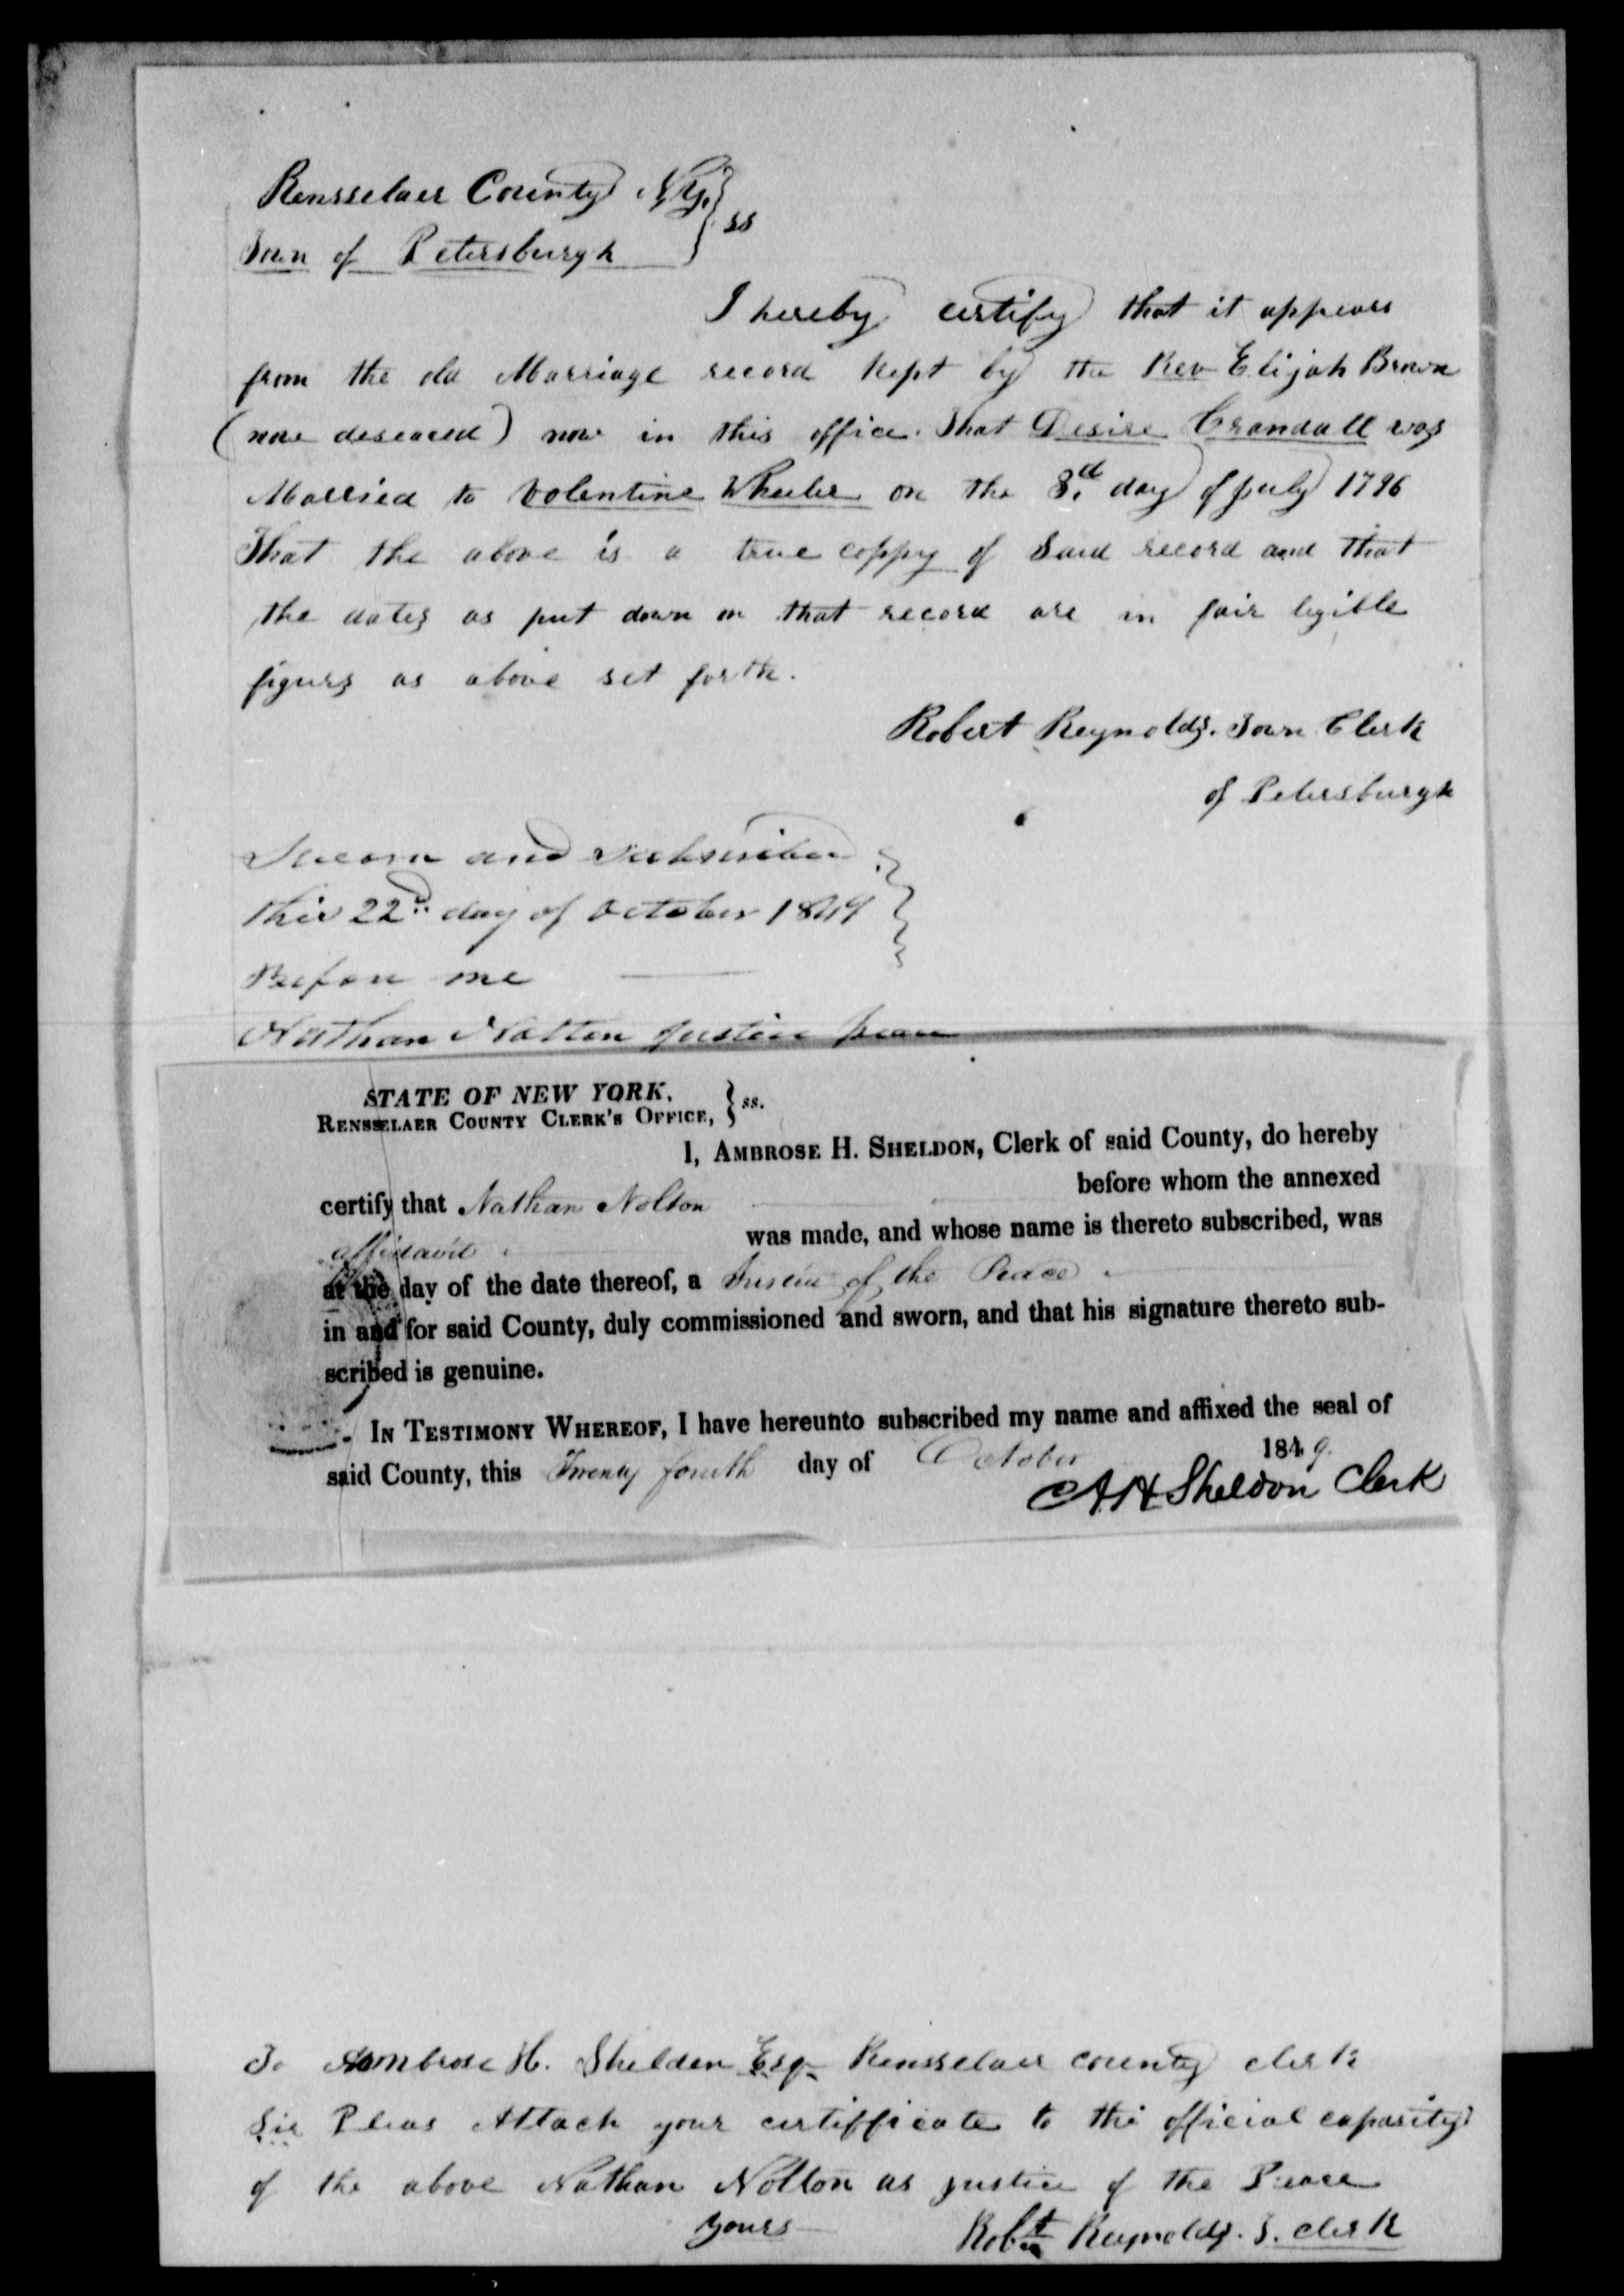Rensselaer County N. Y.
Town of Petersburgh SS
I hereby certify that it appears from the Marriage record kept by the Rev. Elijah Brown (now deseaced) now in this office that Desire Crandall was Married to Volentine Wheeler on the 8th day of July 1796. that the above is a true copy of said record and that the dates as put down in that record are in fair legible figures as above set forth.
Robert Reynolds, Town Clerk of Petersburgh
Sworn and subscribed this 33 day of October 1849 Before me,
Nathan Natton Justice Peace

State of New York
Rensselaer County Clerk's Office, ss
I, Ambrose H. Sheldon, Clerk of said County do hereby certify that Nathan Nolton before whom the annexed affidavit was made and whose name is thereto subscribed, was at the day of the date thereof, a Justice of the Peace in and for said County, duly commissioned and sworn and that his signature thereto subscribed is genuine.
(Seal)
In testimony whereof I have hereunto subscribed my name and affixed the seal of said County, this Twenty fourth day of October 1849.
A. H. Sheldon Clerk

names: Robert Reynolds, Nathan Natton, Elijah Brown, Volentine Wheeler, Desire Crandall, Ambrose H Sheldon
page: 24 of 98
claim: widow's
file: W. 1682, Valentine Wheeler, Mass.